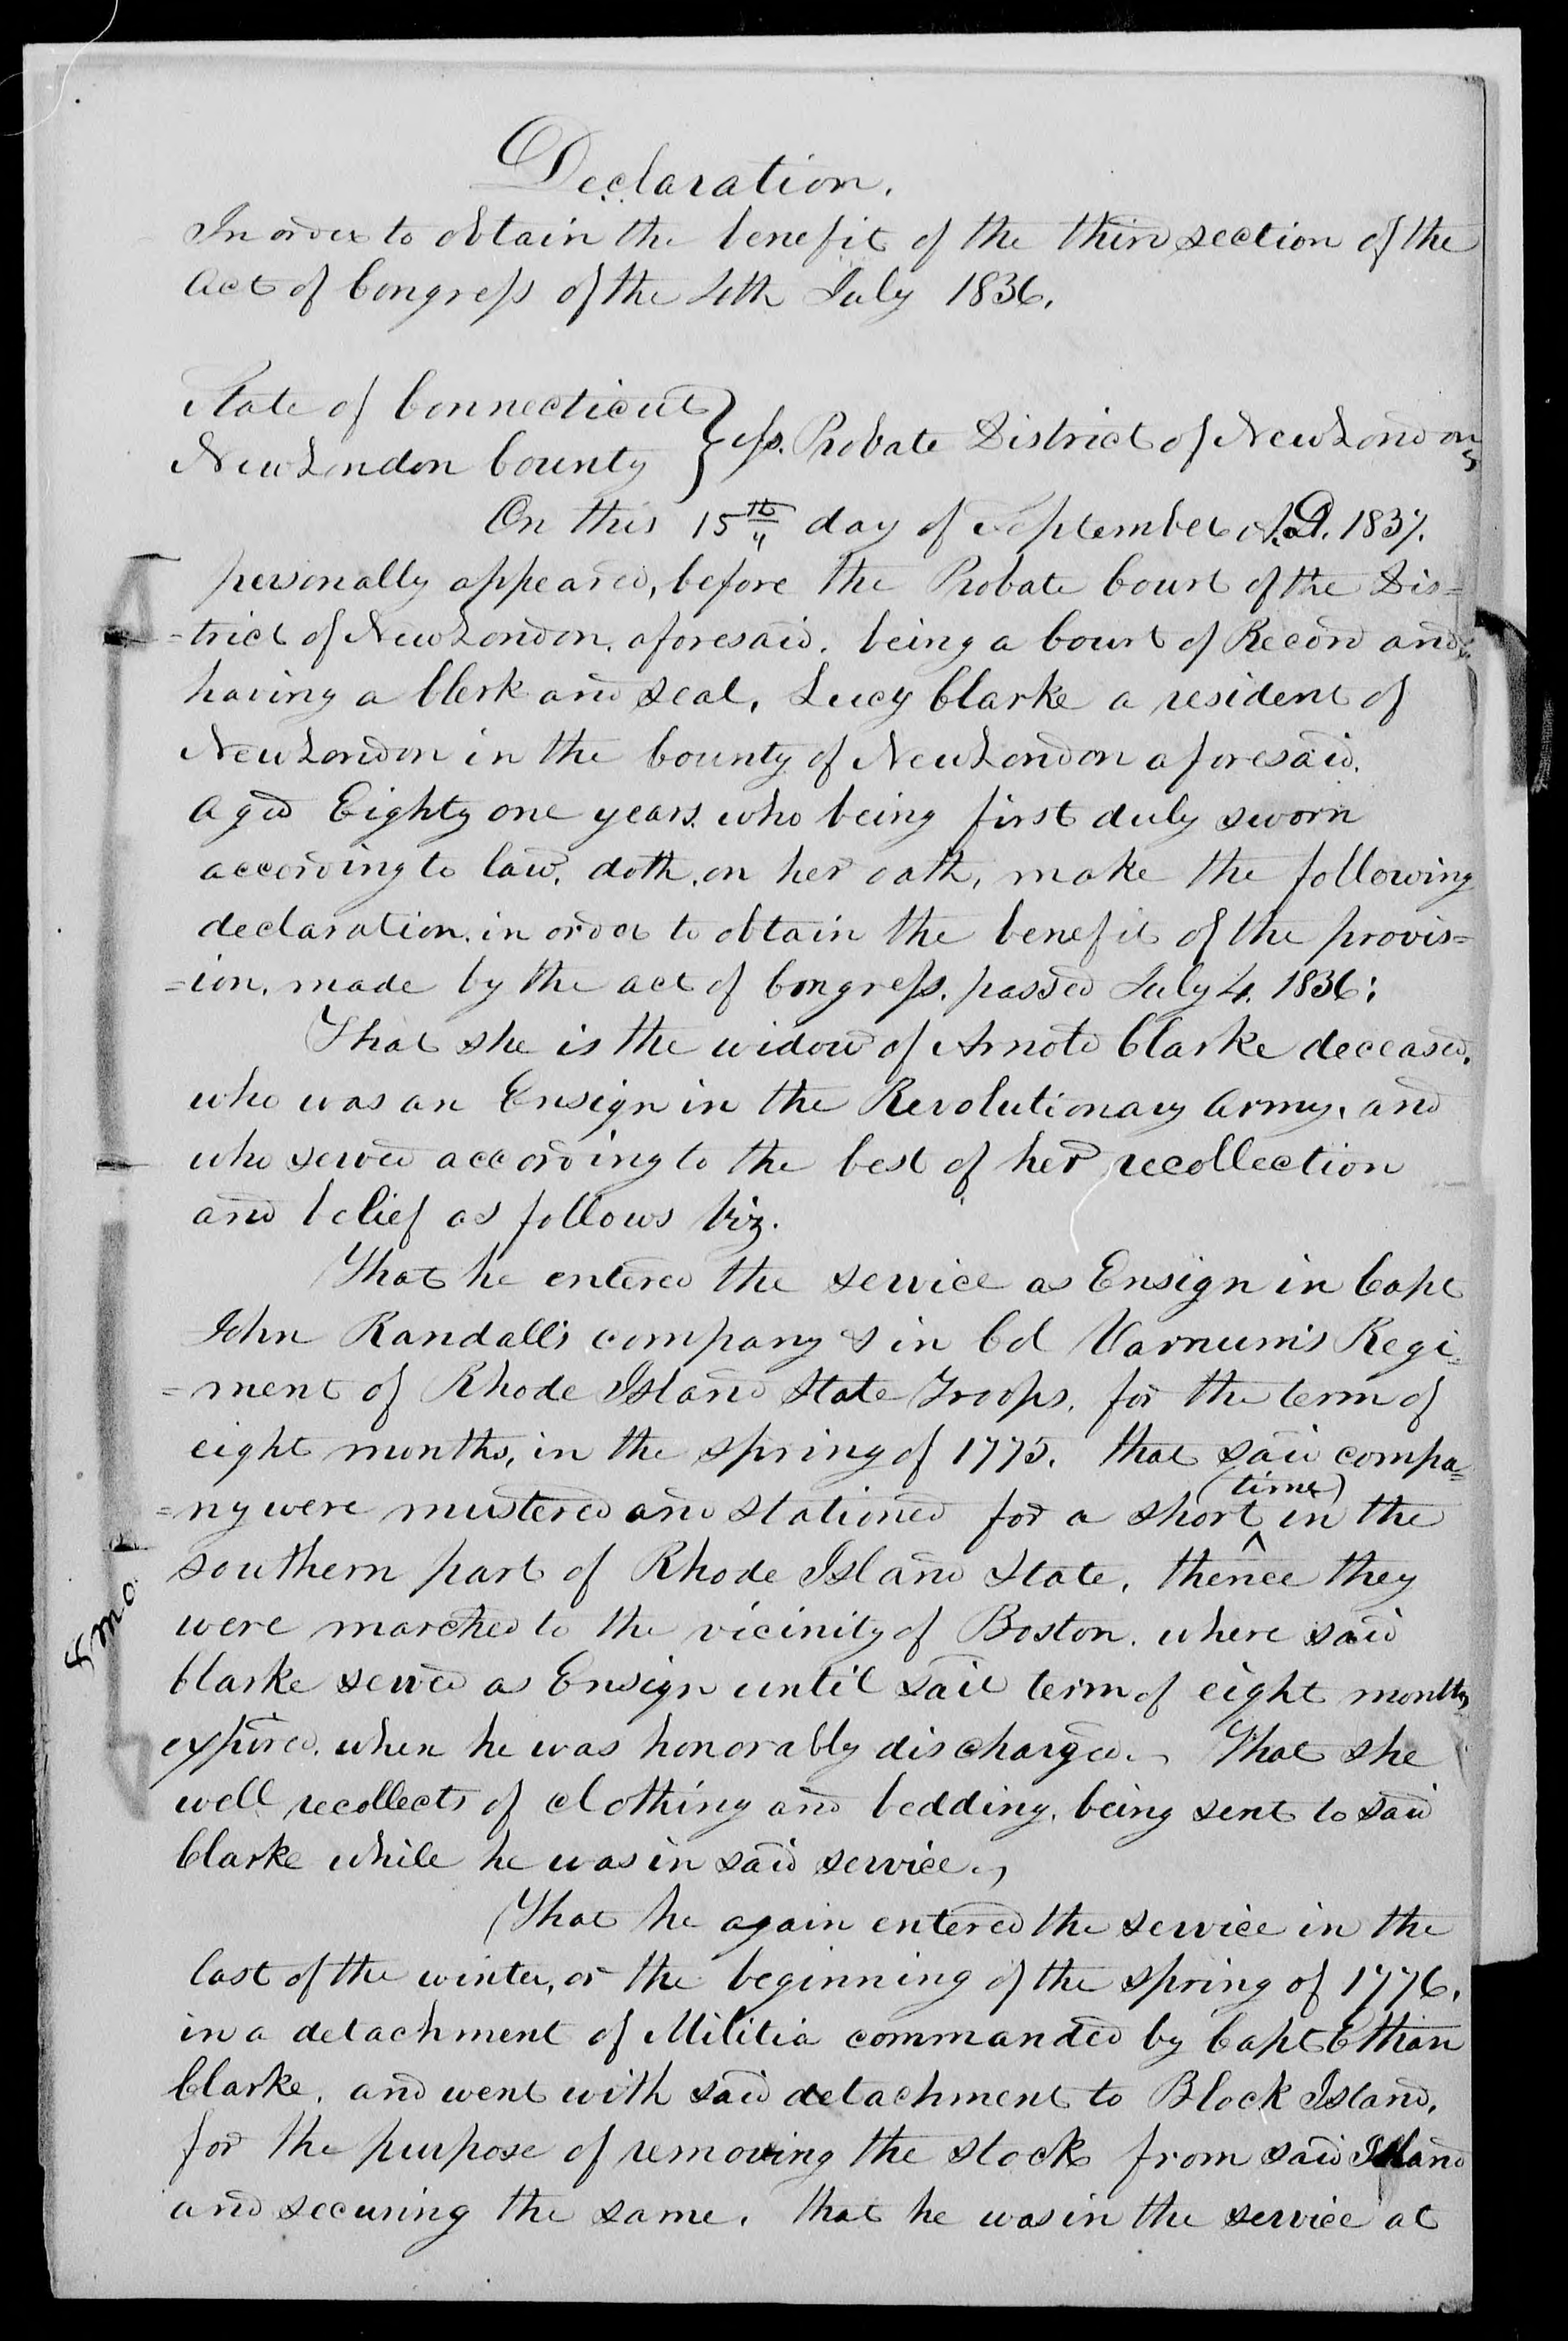Declaration.
In order to obtain the benefit of the third section of the act of Congress of the 4th July 1836.
State of Connecticut New London County ss
Probate District of New London
On this 15th day of September A.D. 1837, personally appeared before the Probate Court of the District of New London, aforesaid, being a Court of Record and having a Clerk and seal, Lucy Clarke a resident of New London in the county of New London aforesaid, aged eighty one years, who being first duly sworn according to law, doth, on her oath, make the following declaration, in order to obtain the benefit of the provision, made by the act of Congress passed July 4, 1836.
That she is the widow of Arnold Clarke deceased, who was an Ensign in the Revolutionary army, and who served according to the best of her recollection and belief as follows viz.
That he entered the service as Ensign in Capt. John Randall's company & in Col. Varnum's Regiment of Rhode Island State Troops, for the term of eight months, in the spring of 1775. That said company were mustered and stationed for a short time in the southern part of Rhode Island state, then they were marched to the vicinity of Boston, where said Clarke served as Ensign until said term of eight months expired, when he was honorably discharged. That she well recollects of clothing and bedding being sent to said Clarke while he was in said service.
That he again entered the service in the last of the winter, or the beginning of the spring of 1776, in a detachment of Militia commanded by Capt. Ethan Clarke, and went with said detachment to Block Island, for the purpose of removing the stock from said Island and securing the same. That he was in the service at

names: Ethan Clarke, Arnold Clarke, Clarke, Lucy Clarke, Clarke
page: 3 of 48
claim: widow's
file: W. 17,628, Arnold Clarke, R.I.